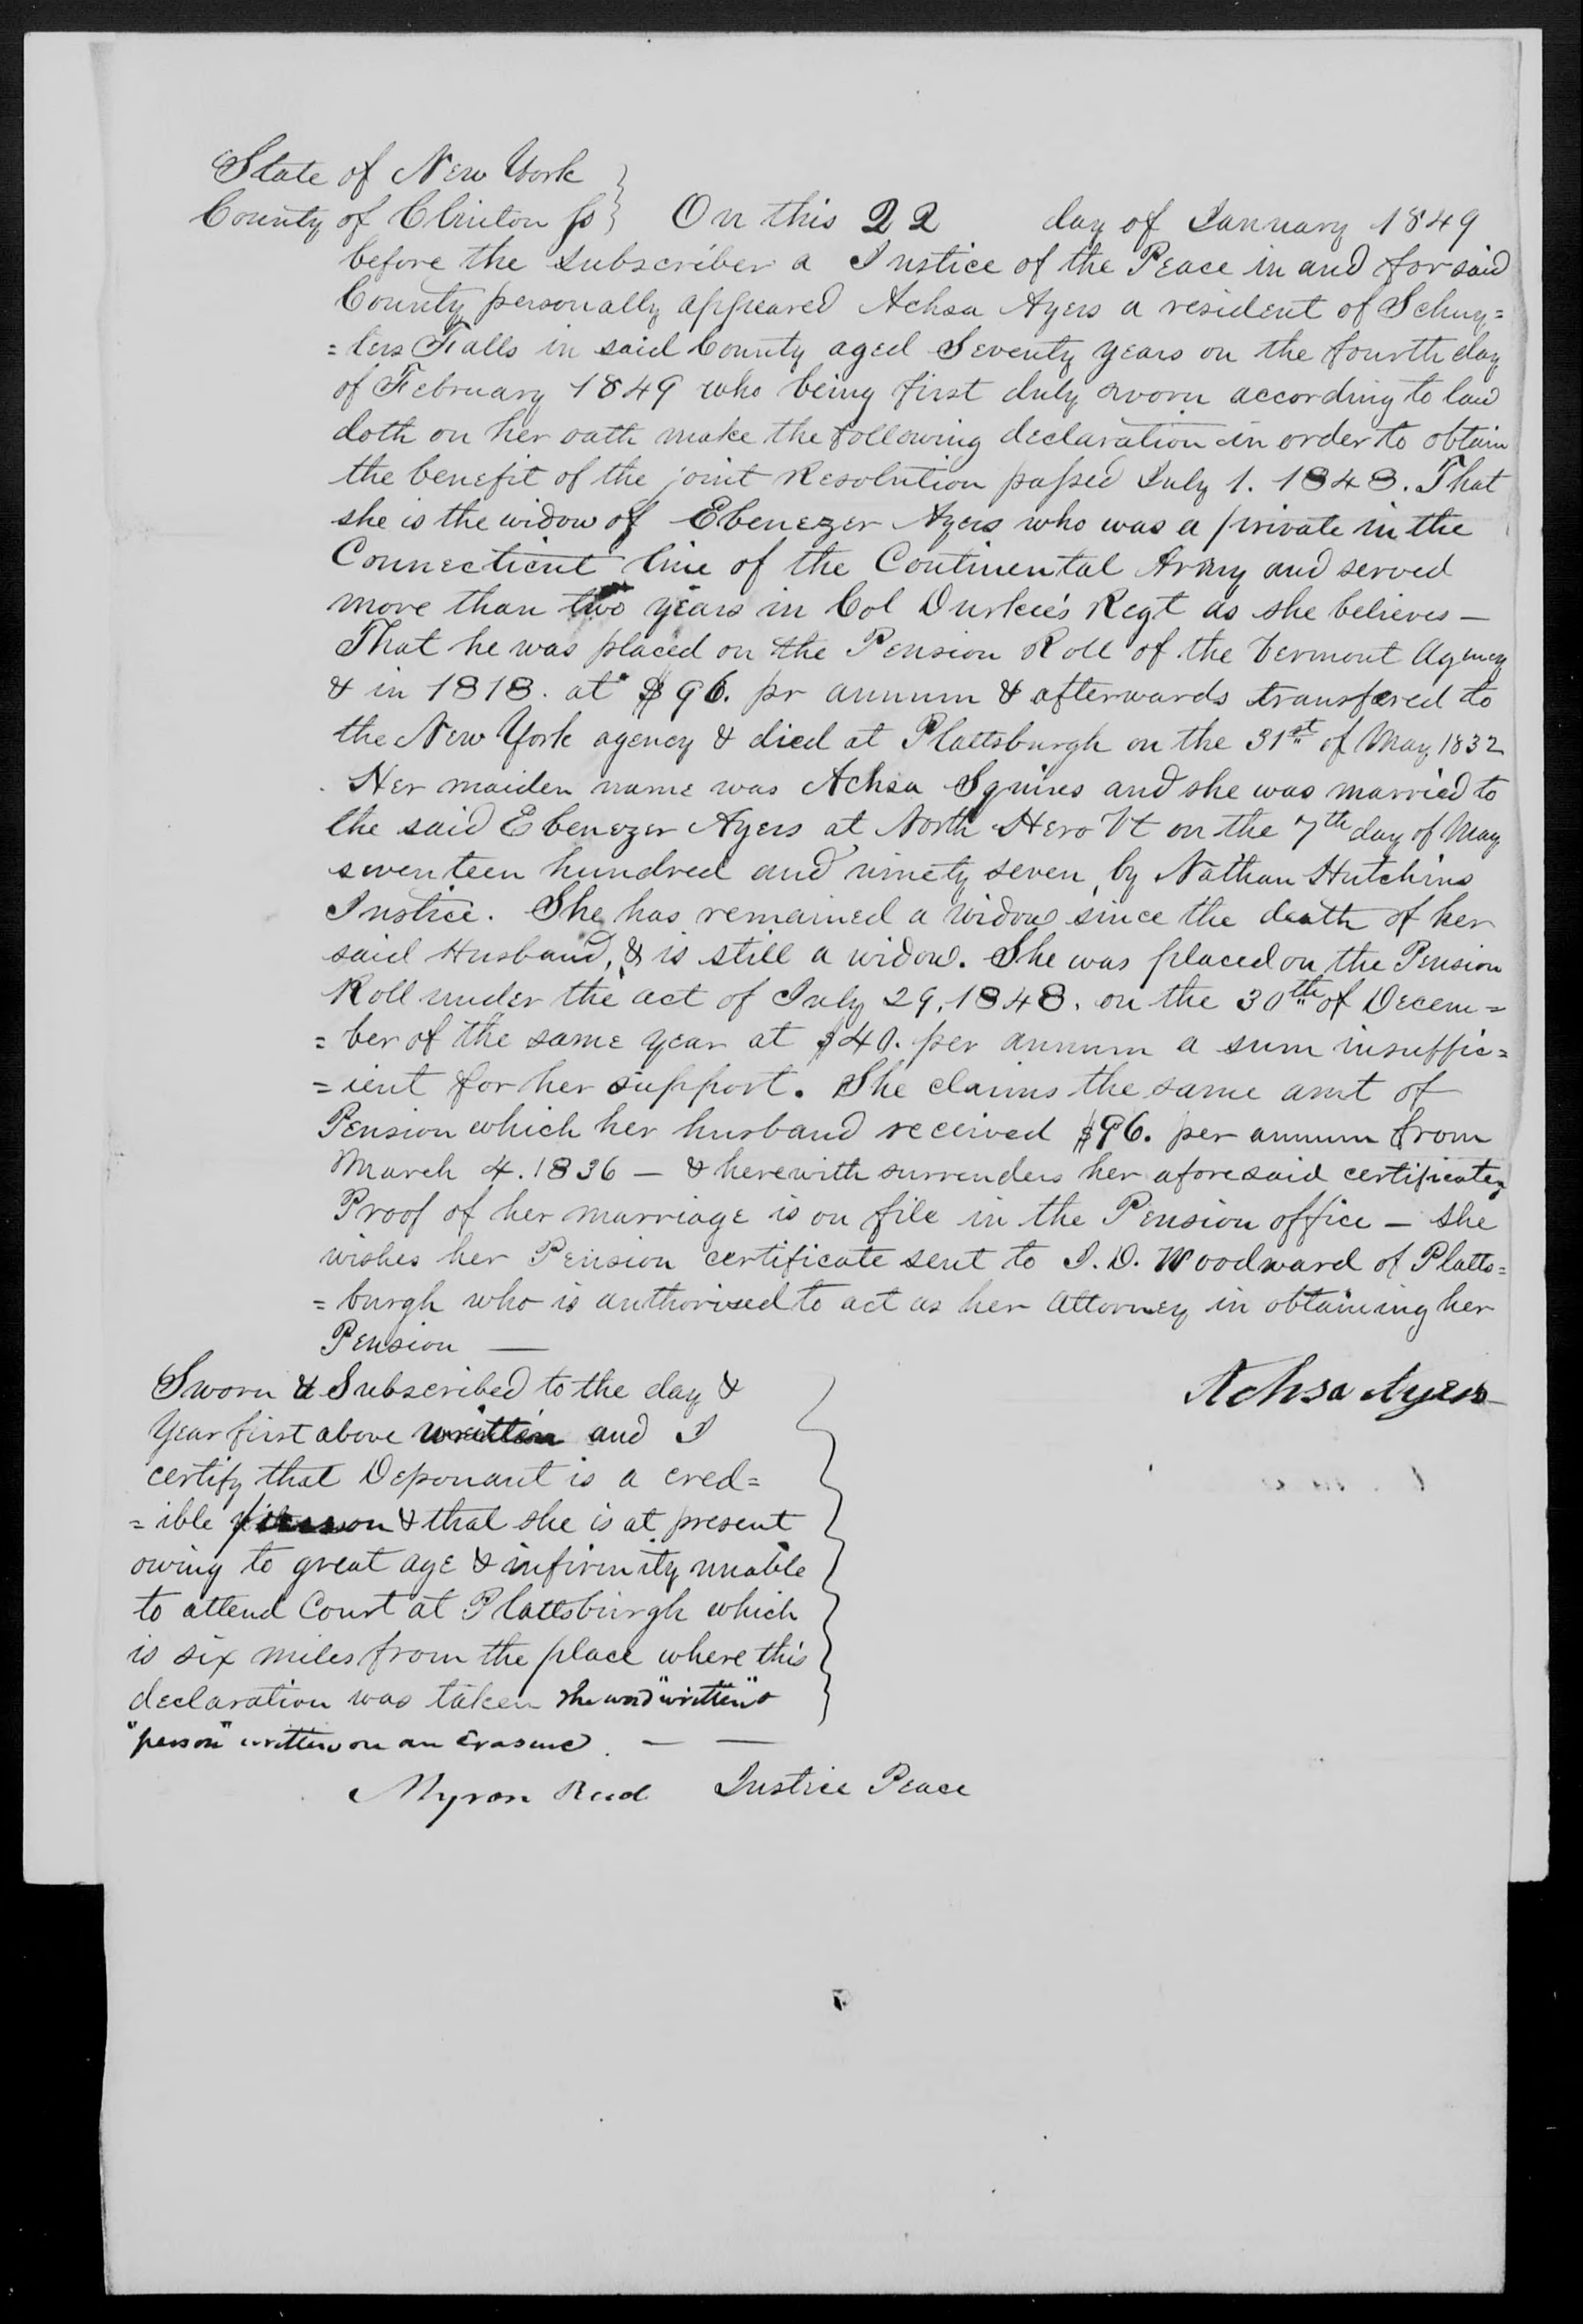State of New York}
County of Clinton ss}
On this 22 day of January 1849 before the subscriber a Justice of the Peace in and for said County personally appeared Achsa Ayers a resident of Schuylers Falls in said County aged Seventy years on the fourth day of February 1849 who being first duly sworn according to law doth on her oath make the following declaration in order to obtain the benefit of the joint Resolution passed July 1, 1848.  That she is the widow of Ebenezer Ayers who was a private in the Connecticut line of the Continental Army and served more than two years in Col Durkee's Regt as she believes- That he was placed on the Pension Roll of the Vermont Agency & in 1818 at $96 per annum & afterwards transfered to the New York agency & died at Plattsburgh on the 31st of May 1832.  Her maiden name was Achsa Squires and she was married to the said Ebenezer Ayers at North Hero Vt on the 7th day of May seventeen hundred and ninety seven, by Nathan Hutchins Justice.  She has remained a widow since the death of her said Husband, & is still a widow.  She was placed on the Pension Roll under the act of July 19, 1818 on the 30th of December of the same year at $40 per annum a sum insufficient for her support.  She claims the same amt of Pension which her husband received $96 per annum from March 4, 1836- & herewith surrenders her aforesaid certificate.  Proof of her marriage is on file in the Pension office- She wishes her Pension certificate sent to J. D. Woodward of Plattsburgh who is authorized to act as her attorney in obtaining her Pension—
Achsa Ayer
Sworn & Subscribed to the day & year} 
above written and I certify that Deponant}
[Deponent] is a credible person & that she is}
at present owing to great age & infirmity}
unable to attend Court at Plattsburgh which}
is six miles from the place where this} declaration was taken.  The word "written" &} "person" within are an erasure.}
Myron Reed Justice Peace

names: Nathan Hutchins, Ebenezer Ayers, Achsa Squires, Myron Reed, Achsa Ayers, Achsa Ayers, J D Woodward, Ebenezer Ayers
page: 39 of 50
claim: widow's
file: W. 8559, Ebenezer Ayer, Continental (Conn)